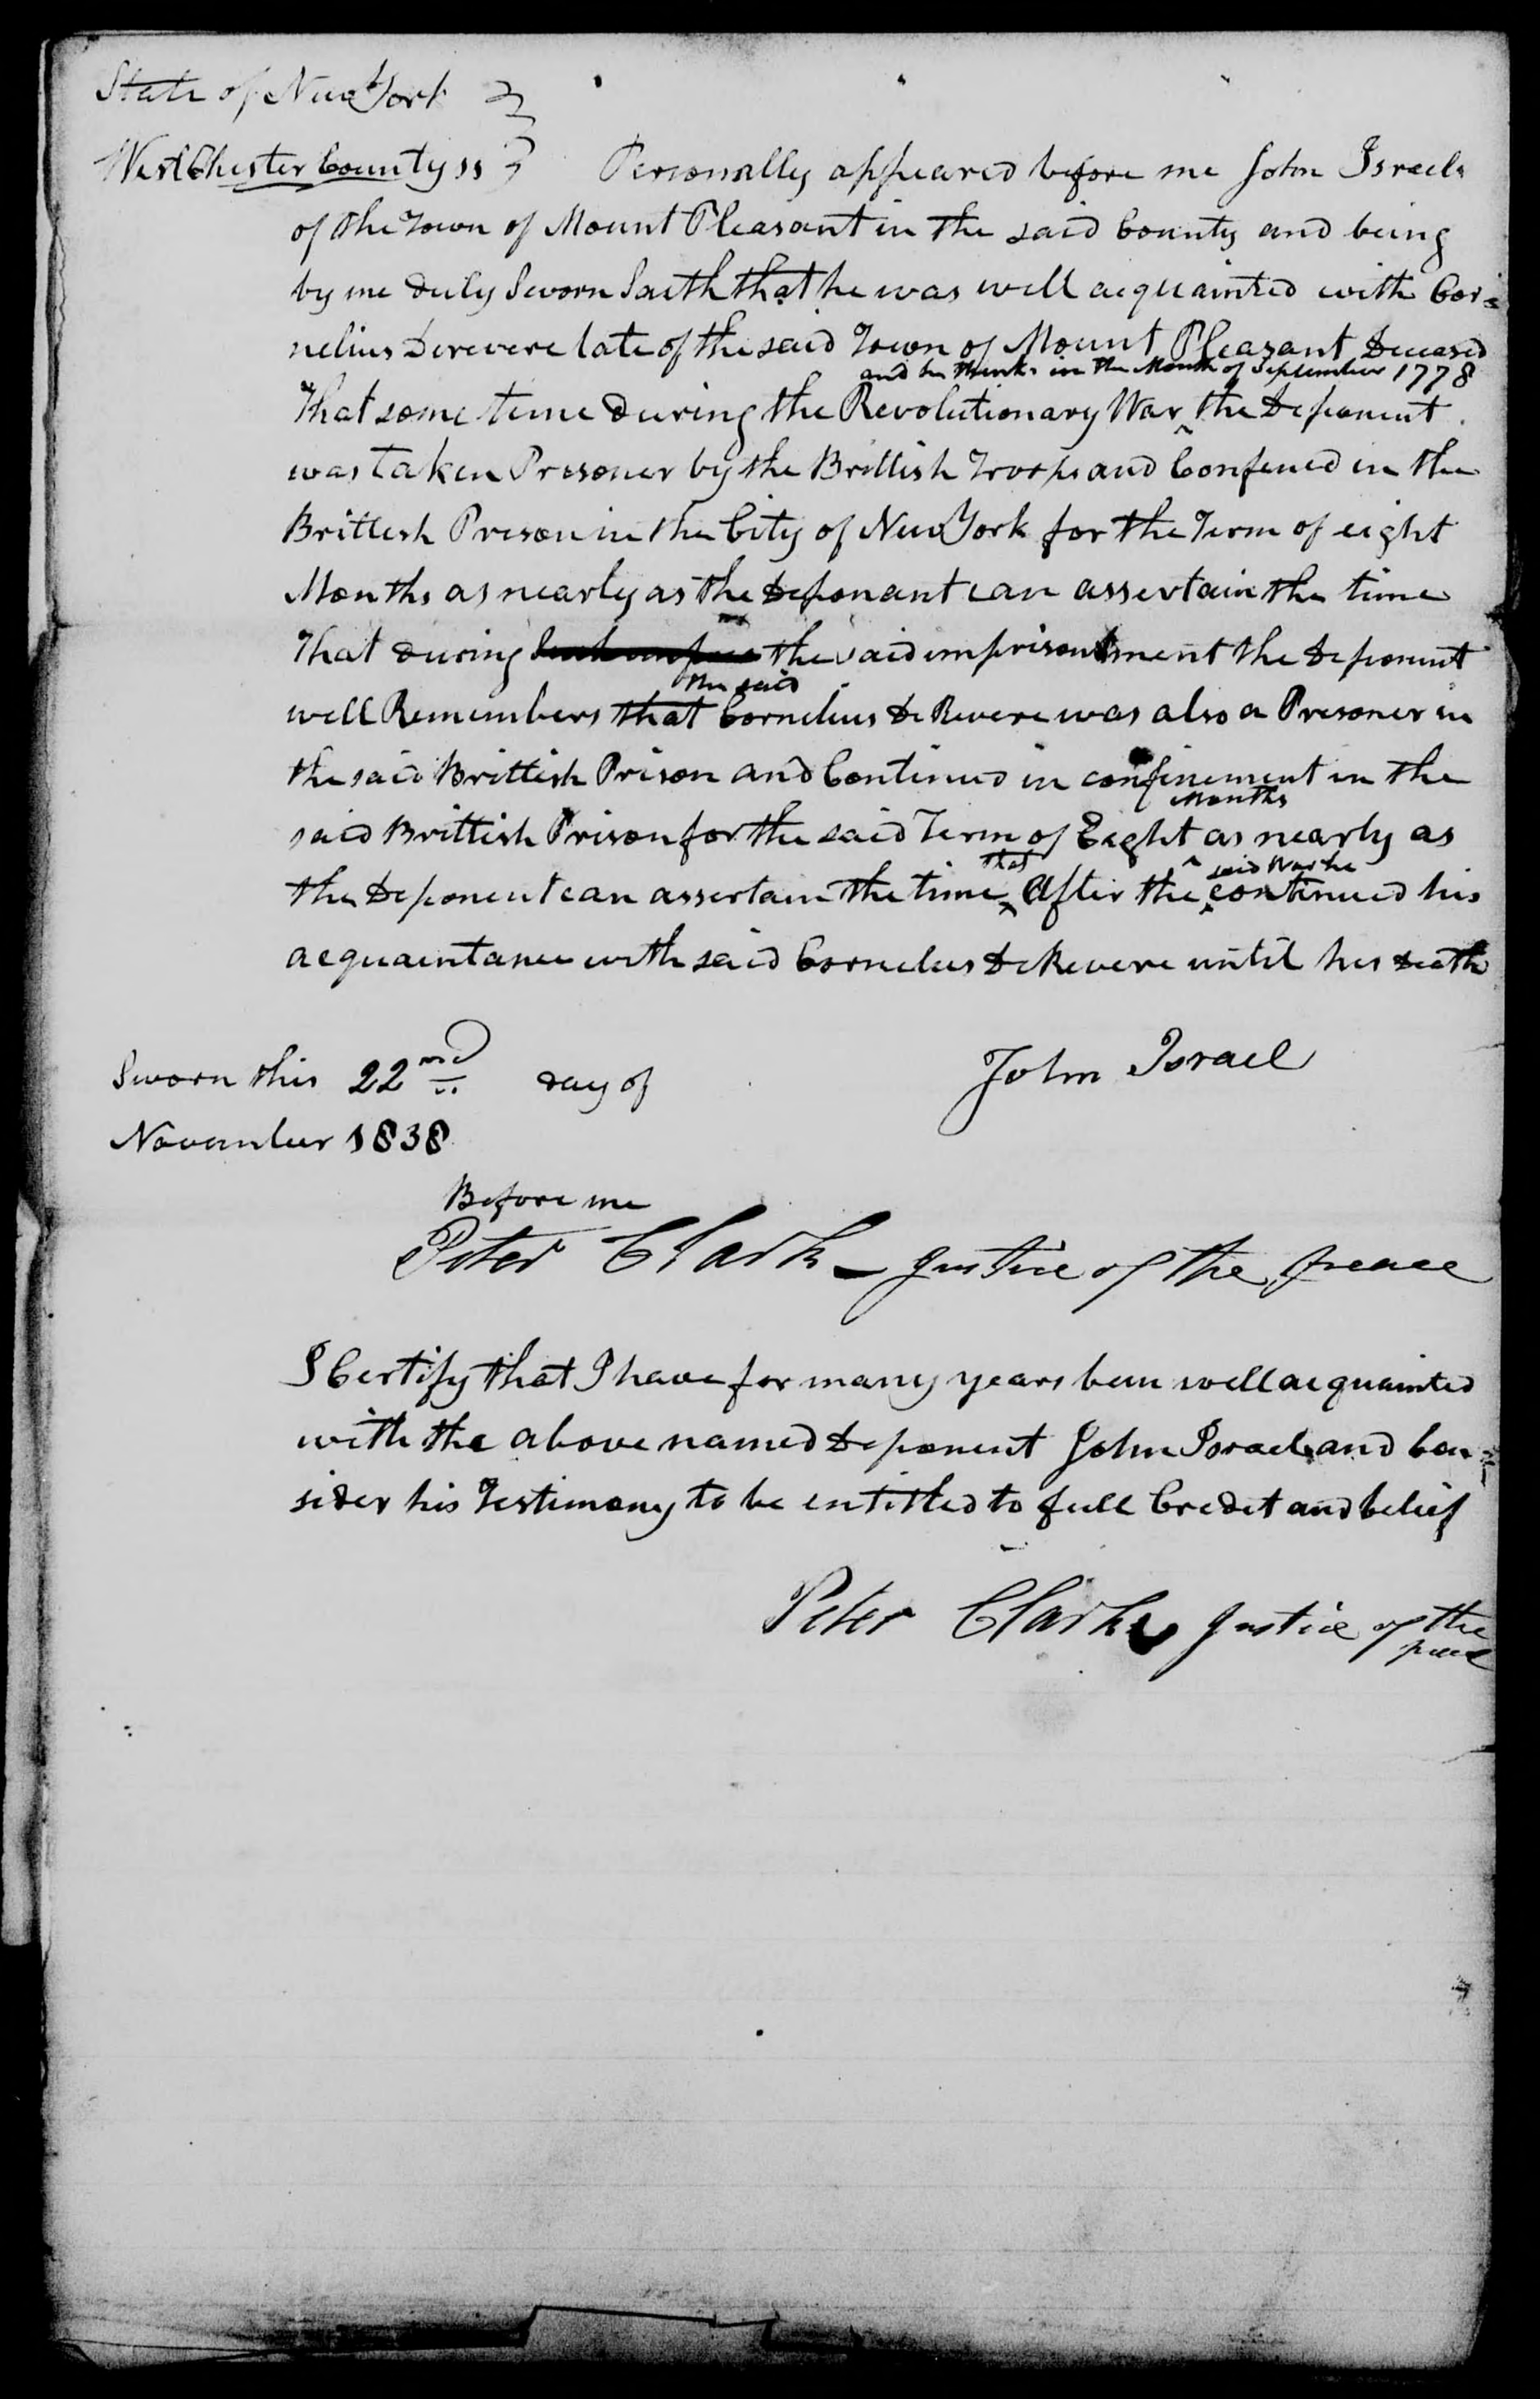State of New York
West Chester County

Personally appeared before me John Israels of the Town of Mount Pleasant in the said county and being by me duly sworn saith that he was well acquainted with Cornelius Derevere late of the said Town of Mount Pleasant deceased that sometime during the Revolutionary War, in the month of September 1778  the deponent was taken Prisoner by the Brittish Troops and confined in the Brittish Prison in the City of New York for the term of eight Months as nearly as the Deponant can assertain(sic) the time that during [word crossed out] the said imprisonment the Deponent well Remembers that the said Cornelius DeRevere was also a Prisoner in the said Brittish Prison and continued in confinement in the said Brittish Prison for the said Term of eight months as nearly as the Deponent can assertain(sic) the time that after the said war he continued his acquaintance with said Cornelius DeRevere until  his death 
[signed] John Israel
Sworn this 22nd day of November 1838
Before me Peter Clark - Justice of the Peace

I certify that I have for many years been well acquainted with the above named deponent John Israel and besides his testimony to be entitled to full credit and belief
[signed] Peter Clark - Justice of the Peace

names: Cornelius Derevere, John Israel, Peter Clark, Cornelius De Revere, Peter Clark, John Israels, Cornelius De Revere, John Israels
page: 16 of 40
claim: widow's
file: W. 24057, Cornelius De Revere, New York